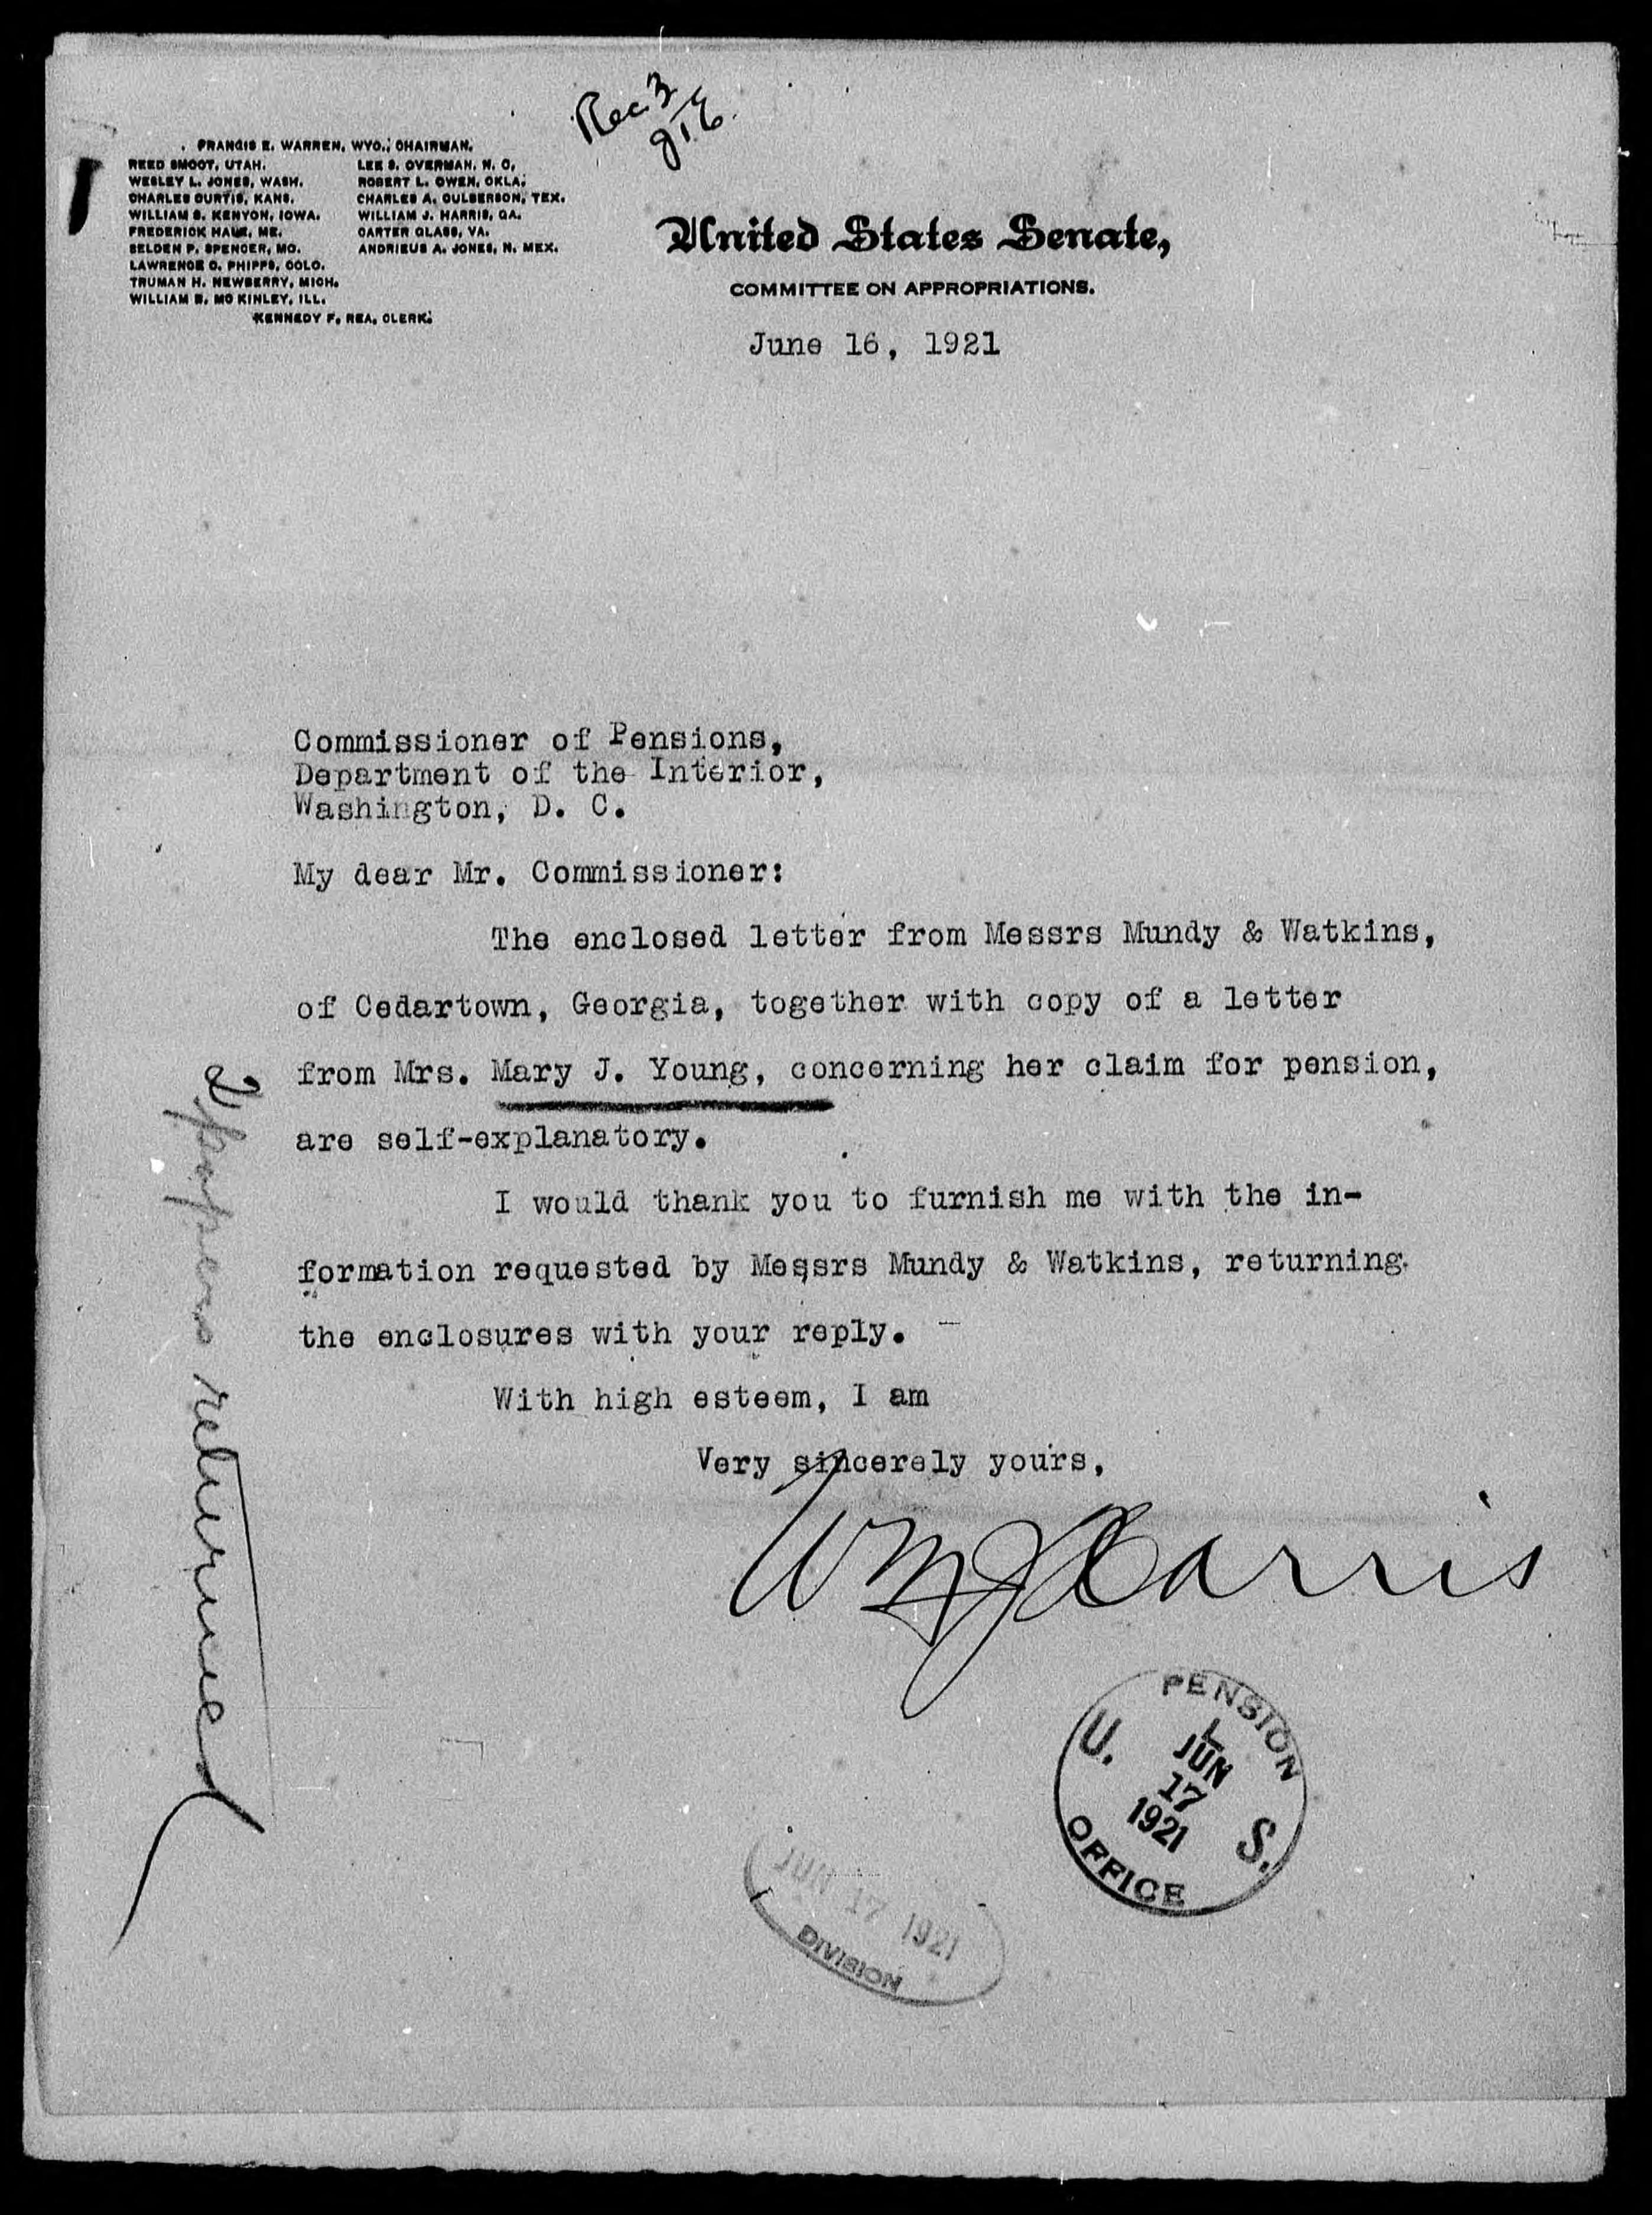Commissioner of Pensions,
Department of the Interior,
Washington, D.C.
My dear Mr. Commissioner:
The enclosed letter from Messers Mundy & Watkins, of Cedartown, Georgia, together with a copy of a letter from Mrs. Mary J. Young, concerning her claim for pension, are self-explanatory.
I would thank you to furnish me with the information requested by Messrs Mundy & Watkins, returning the enclosures with your reply.
Very sincerely yours,
Wm J Harris
2 papers returned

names: Robert L Owen, Andrieus A Jones, Mary J Young, Lee S Overman, Reed Smoot, William C Kenyon, Wm J Harris, Frederick Hale, William B Mc Kinley, Kennedy F Rea, William J Harris, Charles A Culberson, Truman H Newberry, Wesley L Jones, Lawrence C Phipps, Charles Curtis, Selden P Spencer, Carter Class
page: 24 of 32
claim: rejected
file: R. 4655, Jesse Harris, N.C.